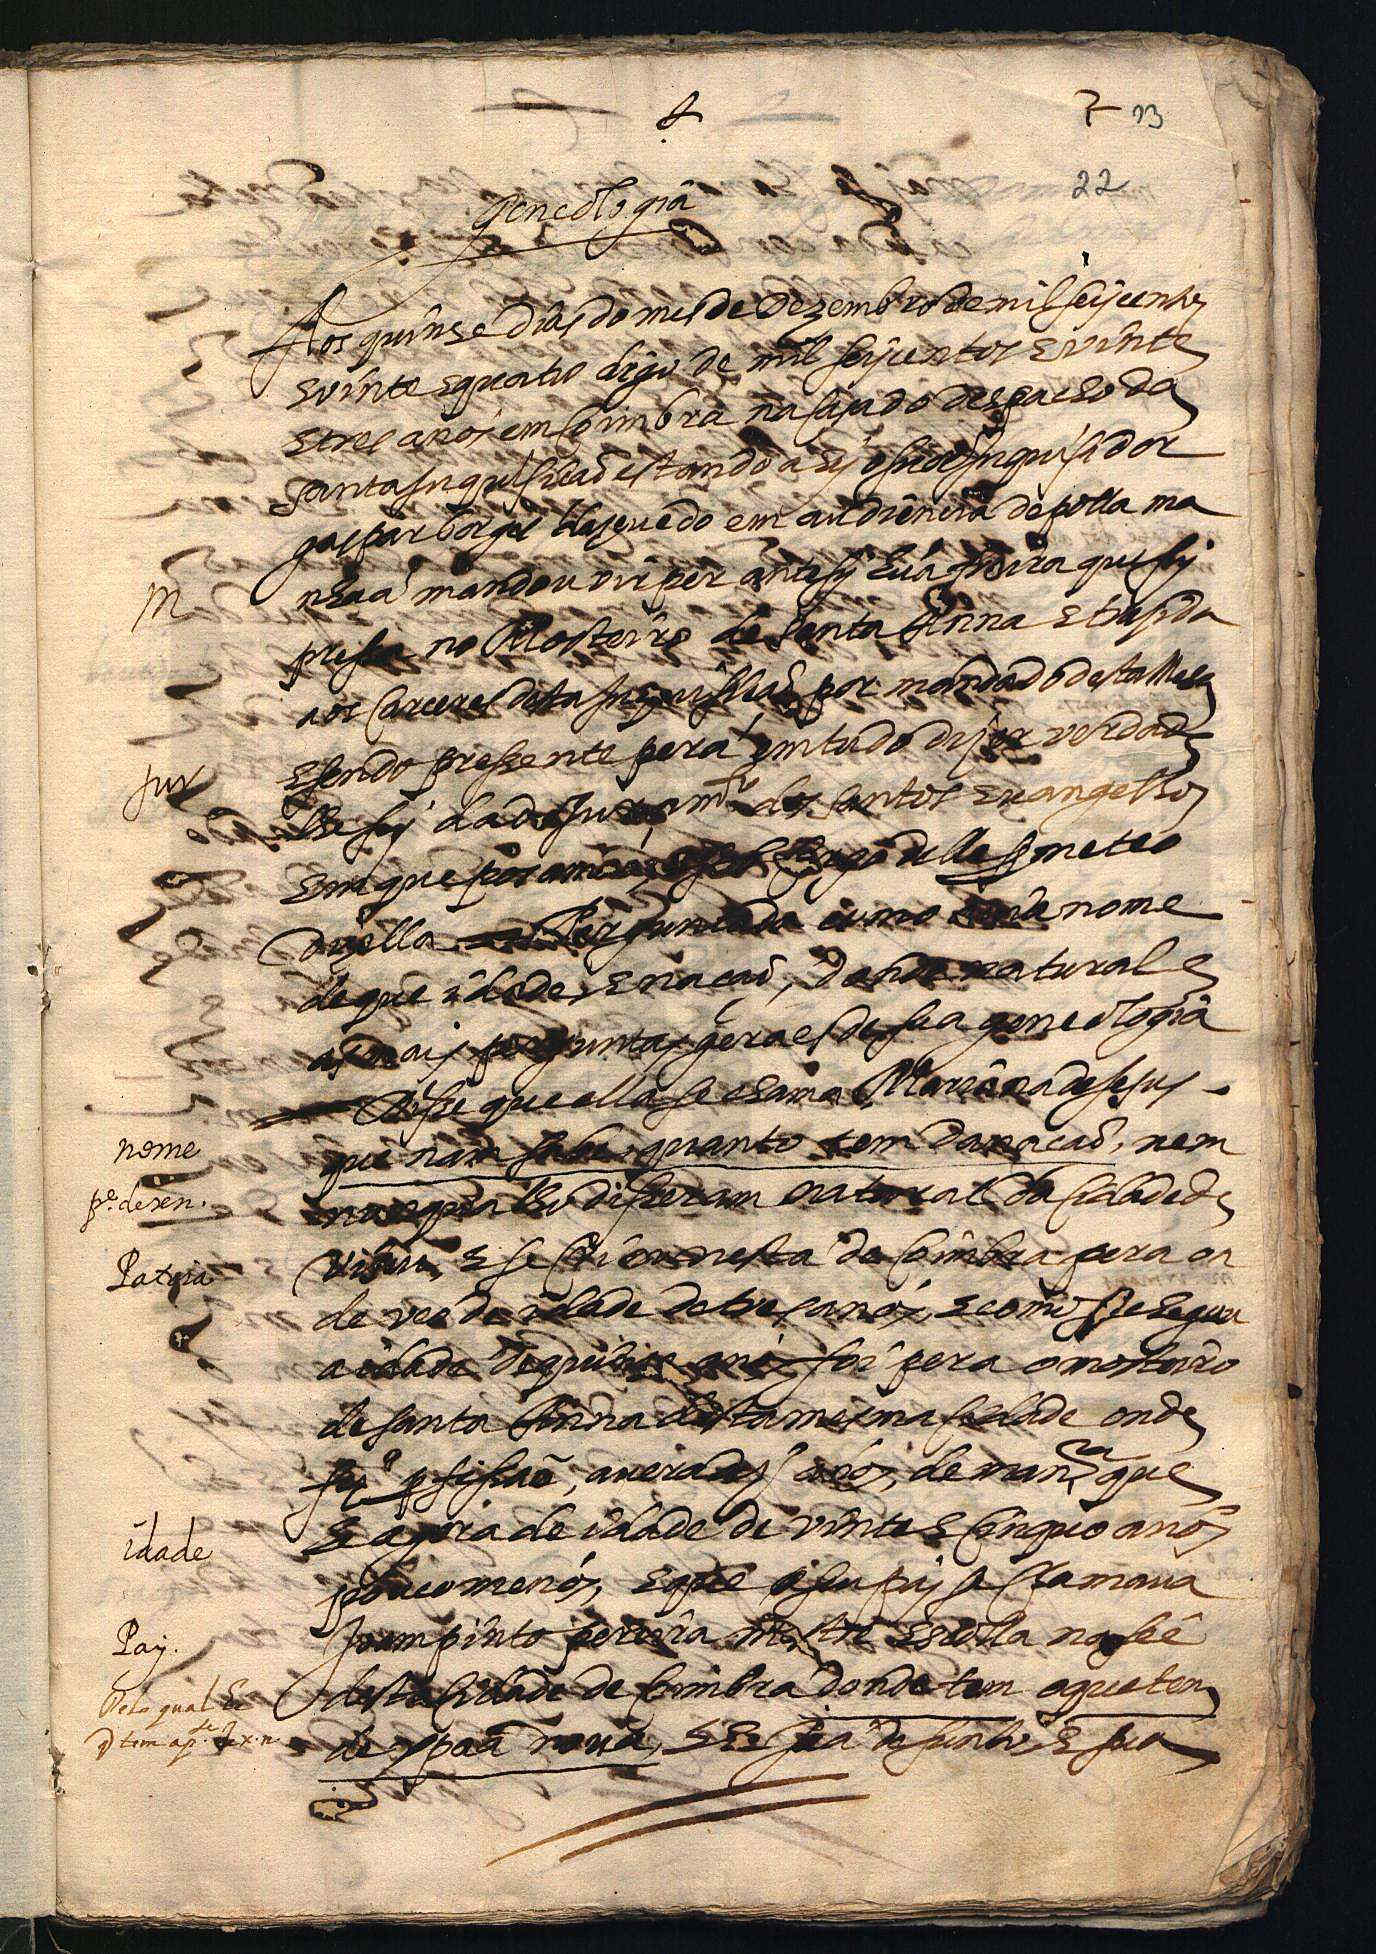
Geneologia
Aos quinze dias do mes de Dezembro de mil seiscentos
E vinte E quatro digo de mil seiscentos E vinte
E tres anos em Coimbra na Casa do despacho da
santa jnquisiçaõ estando ahy o snor̄ Jnquisidor
gaspar borges dazeuedo em audiencia de polla ma
nhaā mandou vir perante sy huā freira que foy
m
presa no Mosteiro de santa Anna E trazida
aos Carceres desta Jnquisiçaõ por mandado desta Mesa
E sendo pressente pera em tudo dizer verdade
jur
lhe foy dado Juram.to dos santos Euangelhos
Em que pos a maõ, e sob Cargo delle ꝓmeteo
dizella = Perguntada como auia nome
de que idade E naçaõ, donde natural e
as mais perguntas geraes de sua geneologia
Disse que ella se chama Mariana de Jesus
que nam sabe quanto tem da naçaõ, nem
nome
p.e de xn.
nunqua lhe disseram natural da Cidade de
viseu E se Criou nesta de Coimbra pera on
Patria
de veo de idade de tres anos, E como s chegou
a idade de quinze anos foi pera o mosteiro
de santa Anna desta mesma Cidade onde
fez ꝓfissaõ, auera dez anos, de manra que
he agora de idade de vinte E Cinquo anos̄
idade
pouco menos, E que o seu paj se Chamaua
Joam pinto pereira mestre Escolla na seé
Pay.
desta Cidade de Coimbra donde tem o que tem
Pelo qual hé
q̄ tem a p.te de x. n.
de xpaã noua, E he ja defunto E sua
